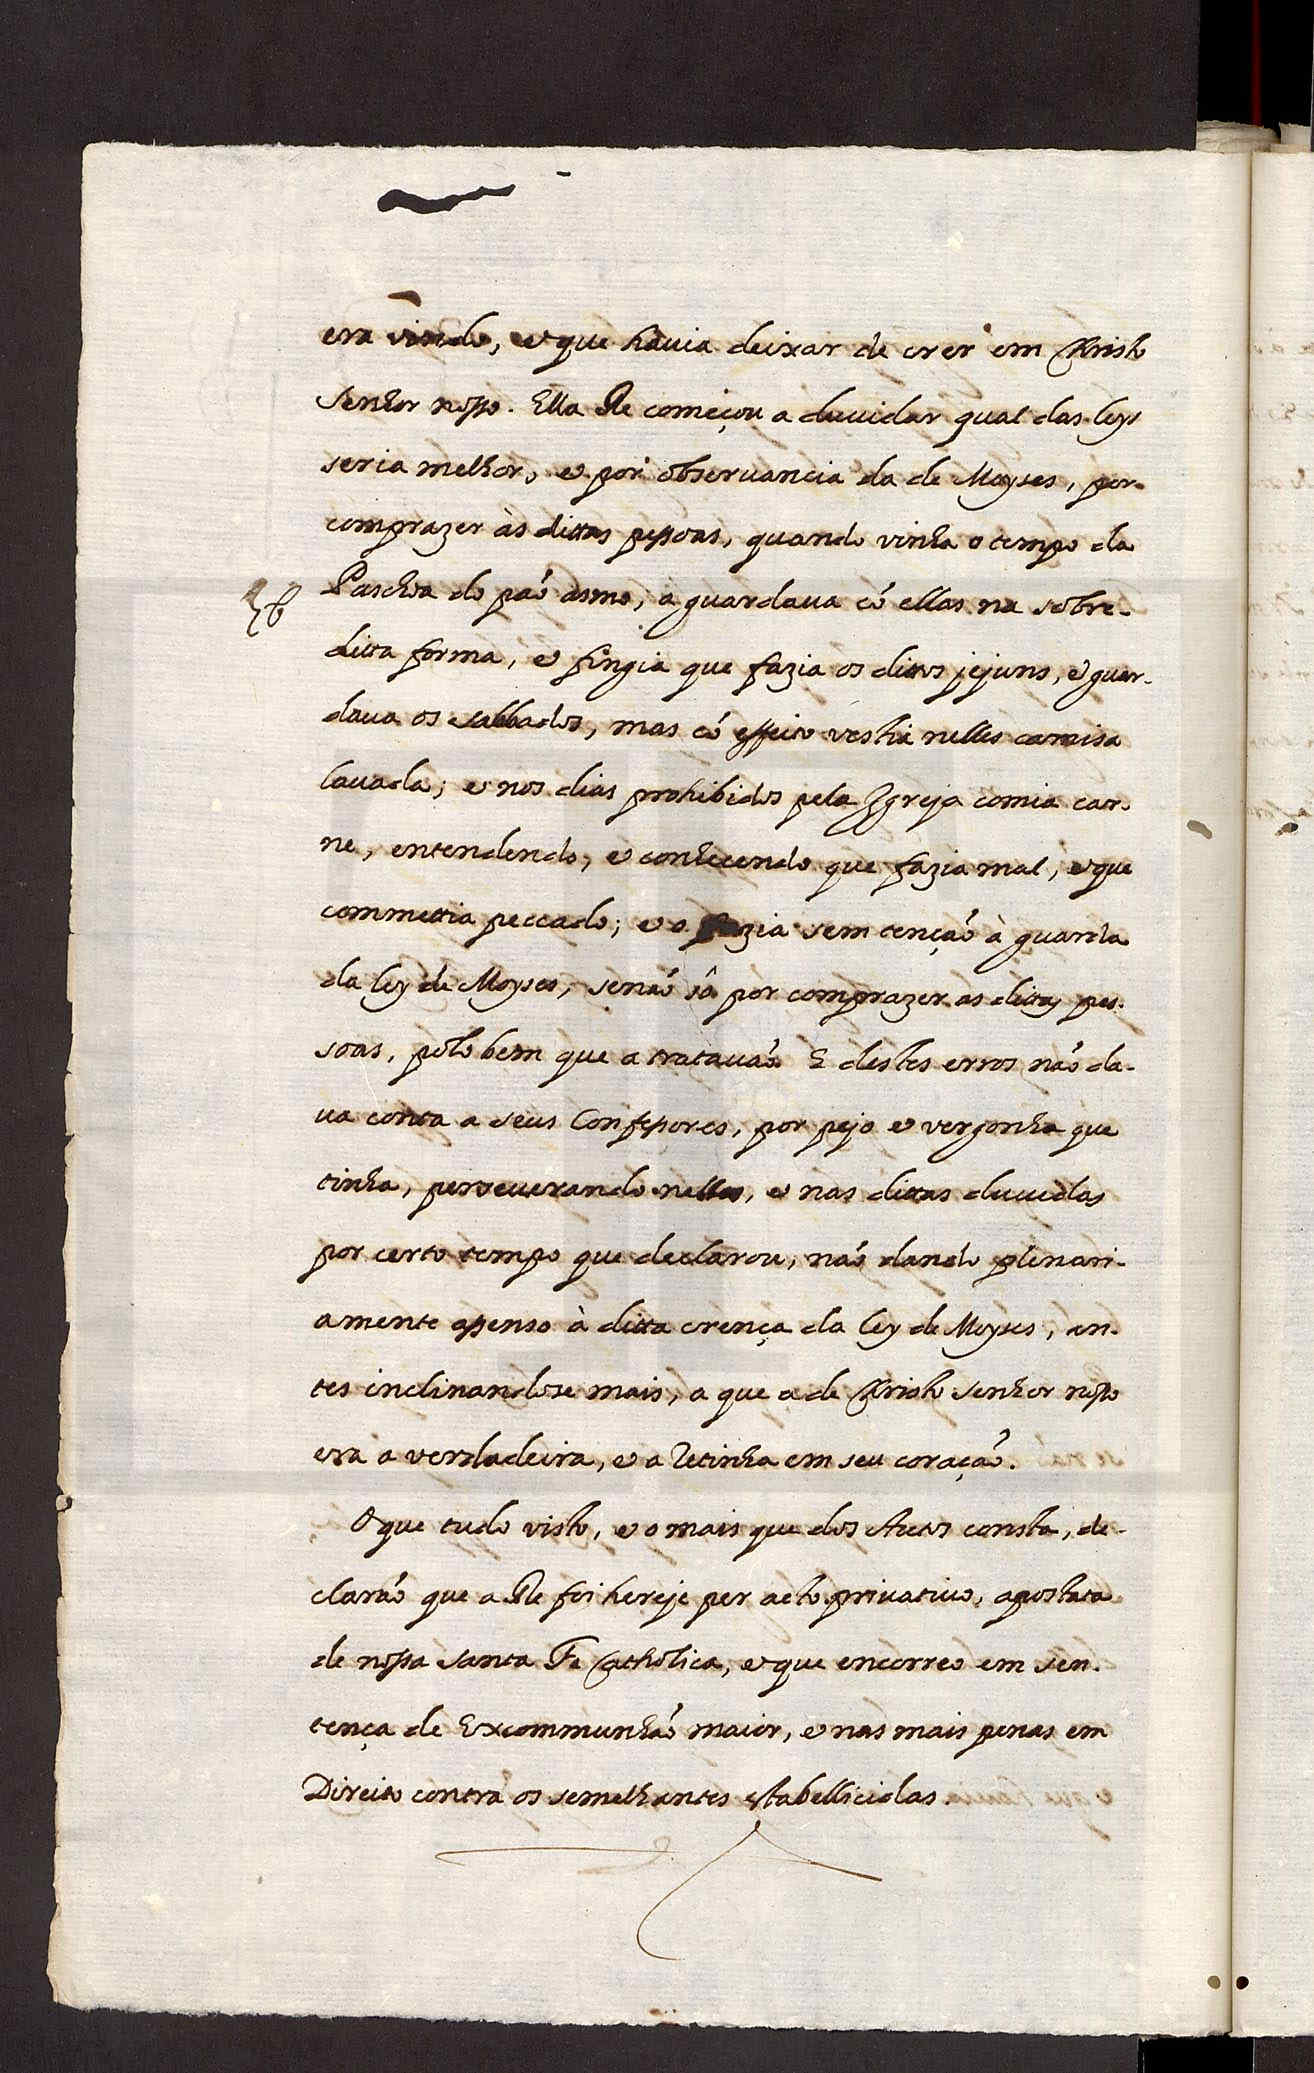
era vindo, e que hauia deixar de crer em Christo
senhor nosso. Ella Re começou a duuidar qual das leys
seria melhor, e por obseruancia da de Moyses, por
comprazer às dittas pessoas quando vinha o tempo da
Paschoa do paõ asmo, a guardaua cō ellas na sobre
ditta forma, e fingia que fazia os dittos jejuns, e guar
daua os sabbados, mas cō effeito vestia nelles camisa
lauada; e nos dias prohibidos pela Jgreja comia car
ne, entendendo, e conhecendo que fazia mal, e que
commettia peccado; e o fazia sem tençaõ à guarda
da ley de Moyses; senaõ sô por comprazer as dittas pes
soas, pelo bem que a tratauaõ E destes erros naõ da
ua conta a seus confessores, por pejo e vergonha que
tinha, perseuerando nellas, e nas dittas duuidas
por certo tempo que declarou, naõ dando plenari
amente assenso à ditta crença da ley de Moyses, an
tes inclinandose mais, a que a de Christo senhor nosso
era a verdadeira, e a retinha em seu coraçaõ.
O que tudo visto, e o mais que dos Autos consta, de
declaraõ que a Re foi hereje per acto priuatiuo, apostata
de nossa santa Fe Catholica, e que encorreo em sen
tença de Excommunhaõ maior, e nas mais penas em
Direito contra os semelhantes estabellicidas.
